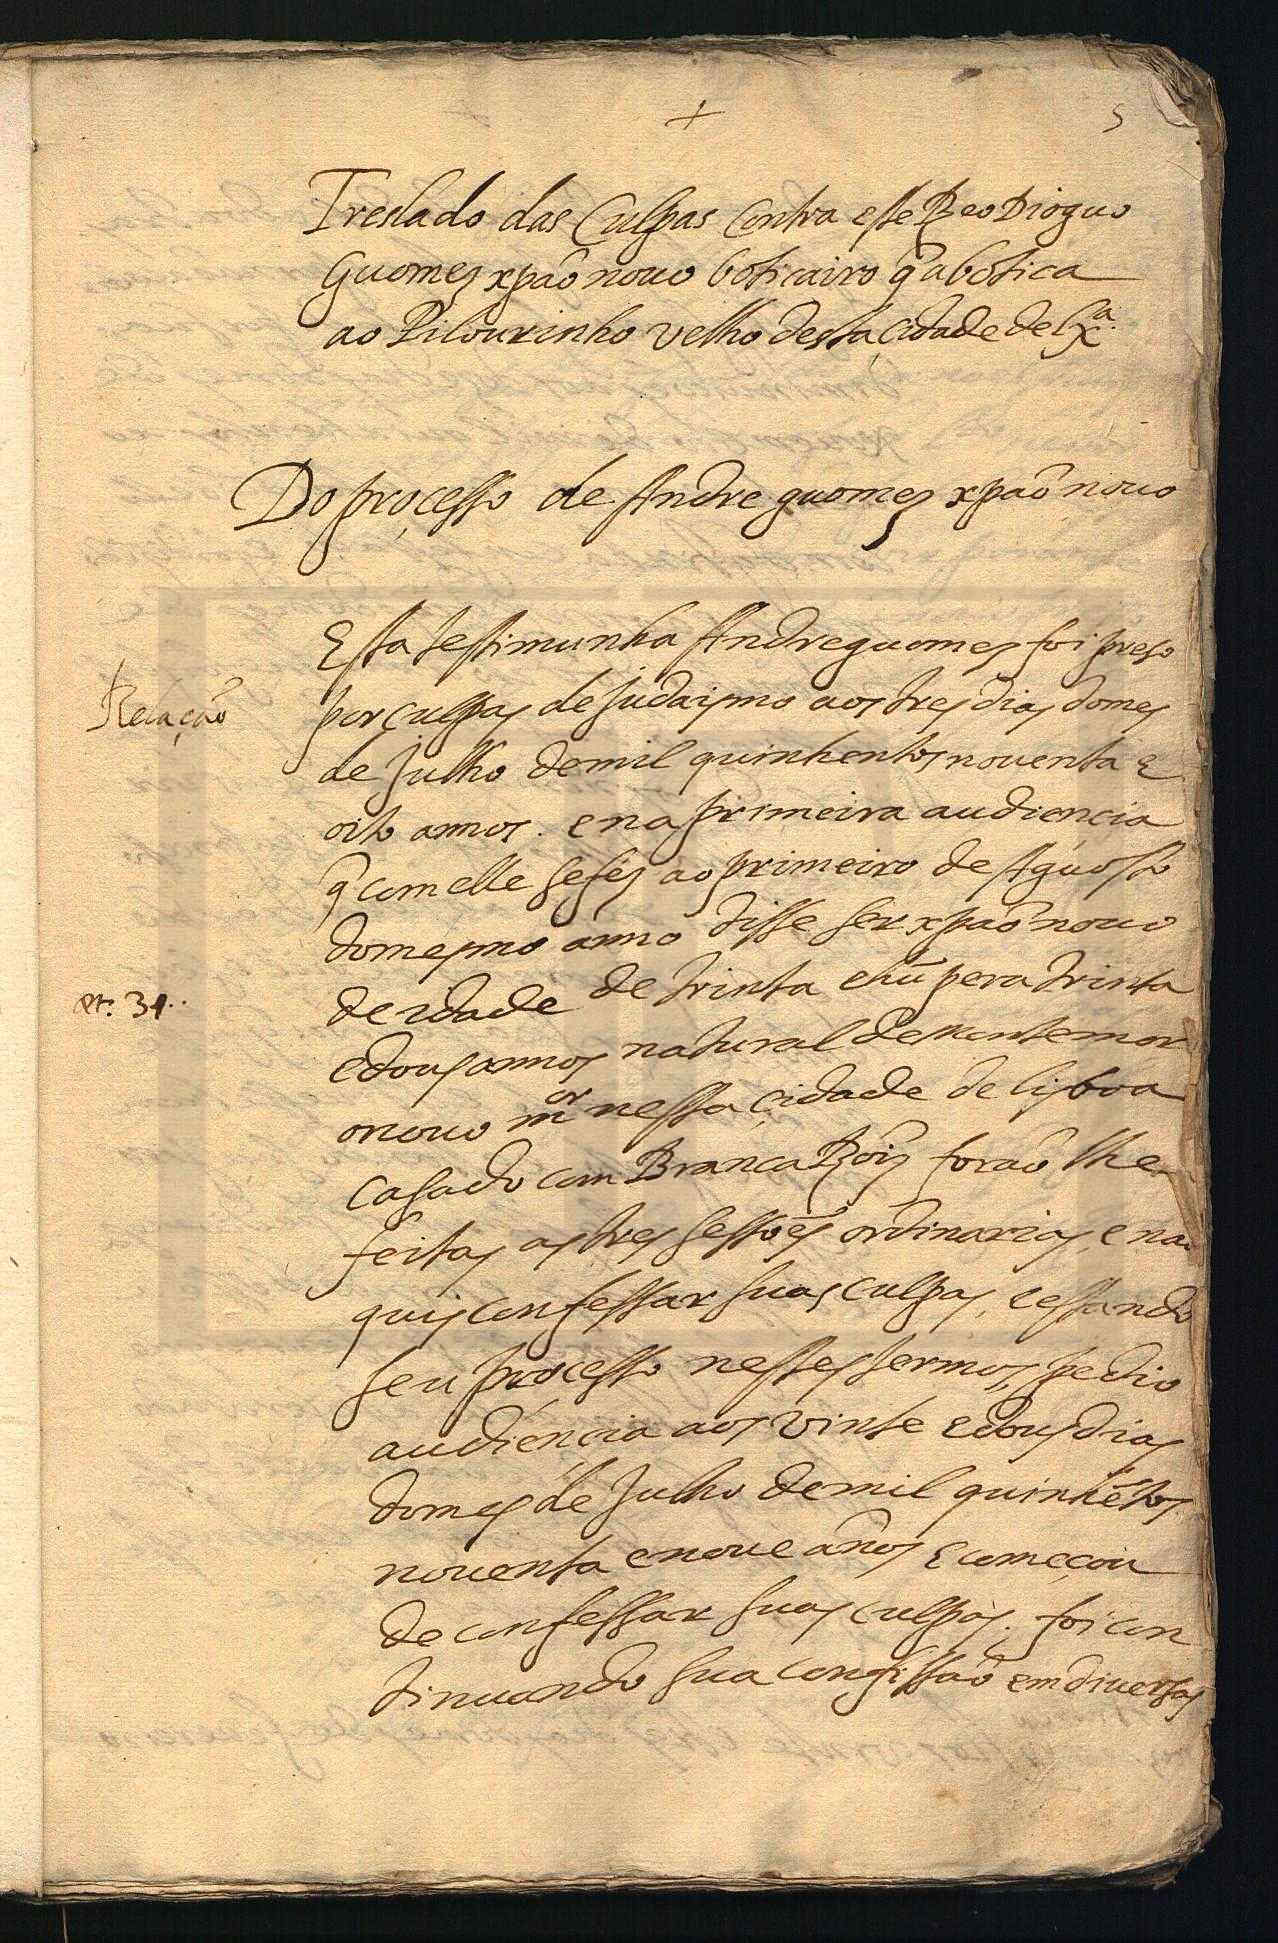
Treslado das Culpas Contra este Reo Dioguo
Guomez xpaõ nouo boticario q̄ a botica
ao Pilourinho velho desta çidade de lxa.
Do proçesso de Andre guomez xpaõ nouo
Esta testimunha Andre guomez foi preso
por culpas de Judaismo aos tres dias do mes
de Julho de mil quinhentos nouenta E
oito annos. e na primeira audiençia
q̄ com elle se fez ao primeiro de Aguosto
do mesmo anno disse ser xpaõ nouo
de idade de trinta e hū pera trinta
e dous annos natural de montemor
o nouo mor nesse çidade de lisboa
casado com Branca Roīz foraõ lhe
feitas as tres sessões ordinarias, e na
quis confessar suas culpas, e estando
seu processo nestes termos, pedio
audiençia aos vinte e dous dias
do mes de Julho de mil quinhētos
nouenta e noue an̄os E começou
de confessar suas culpas. foi con
tinuando sua confissaõ em diuersas
